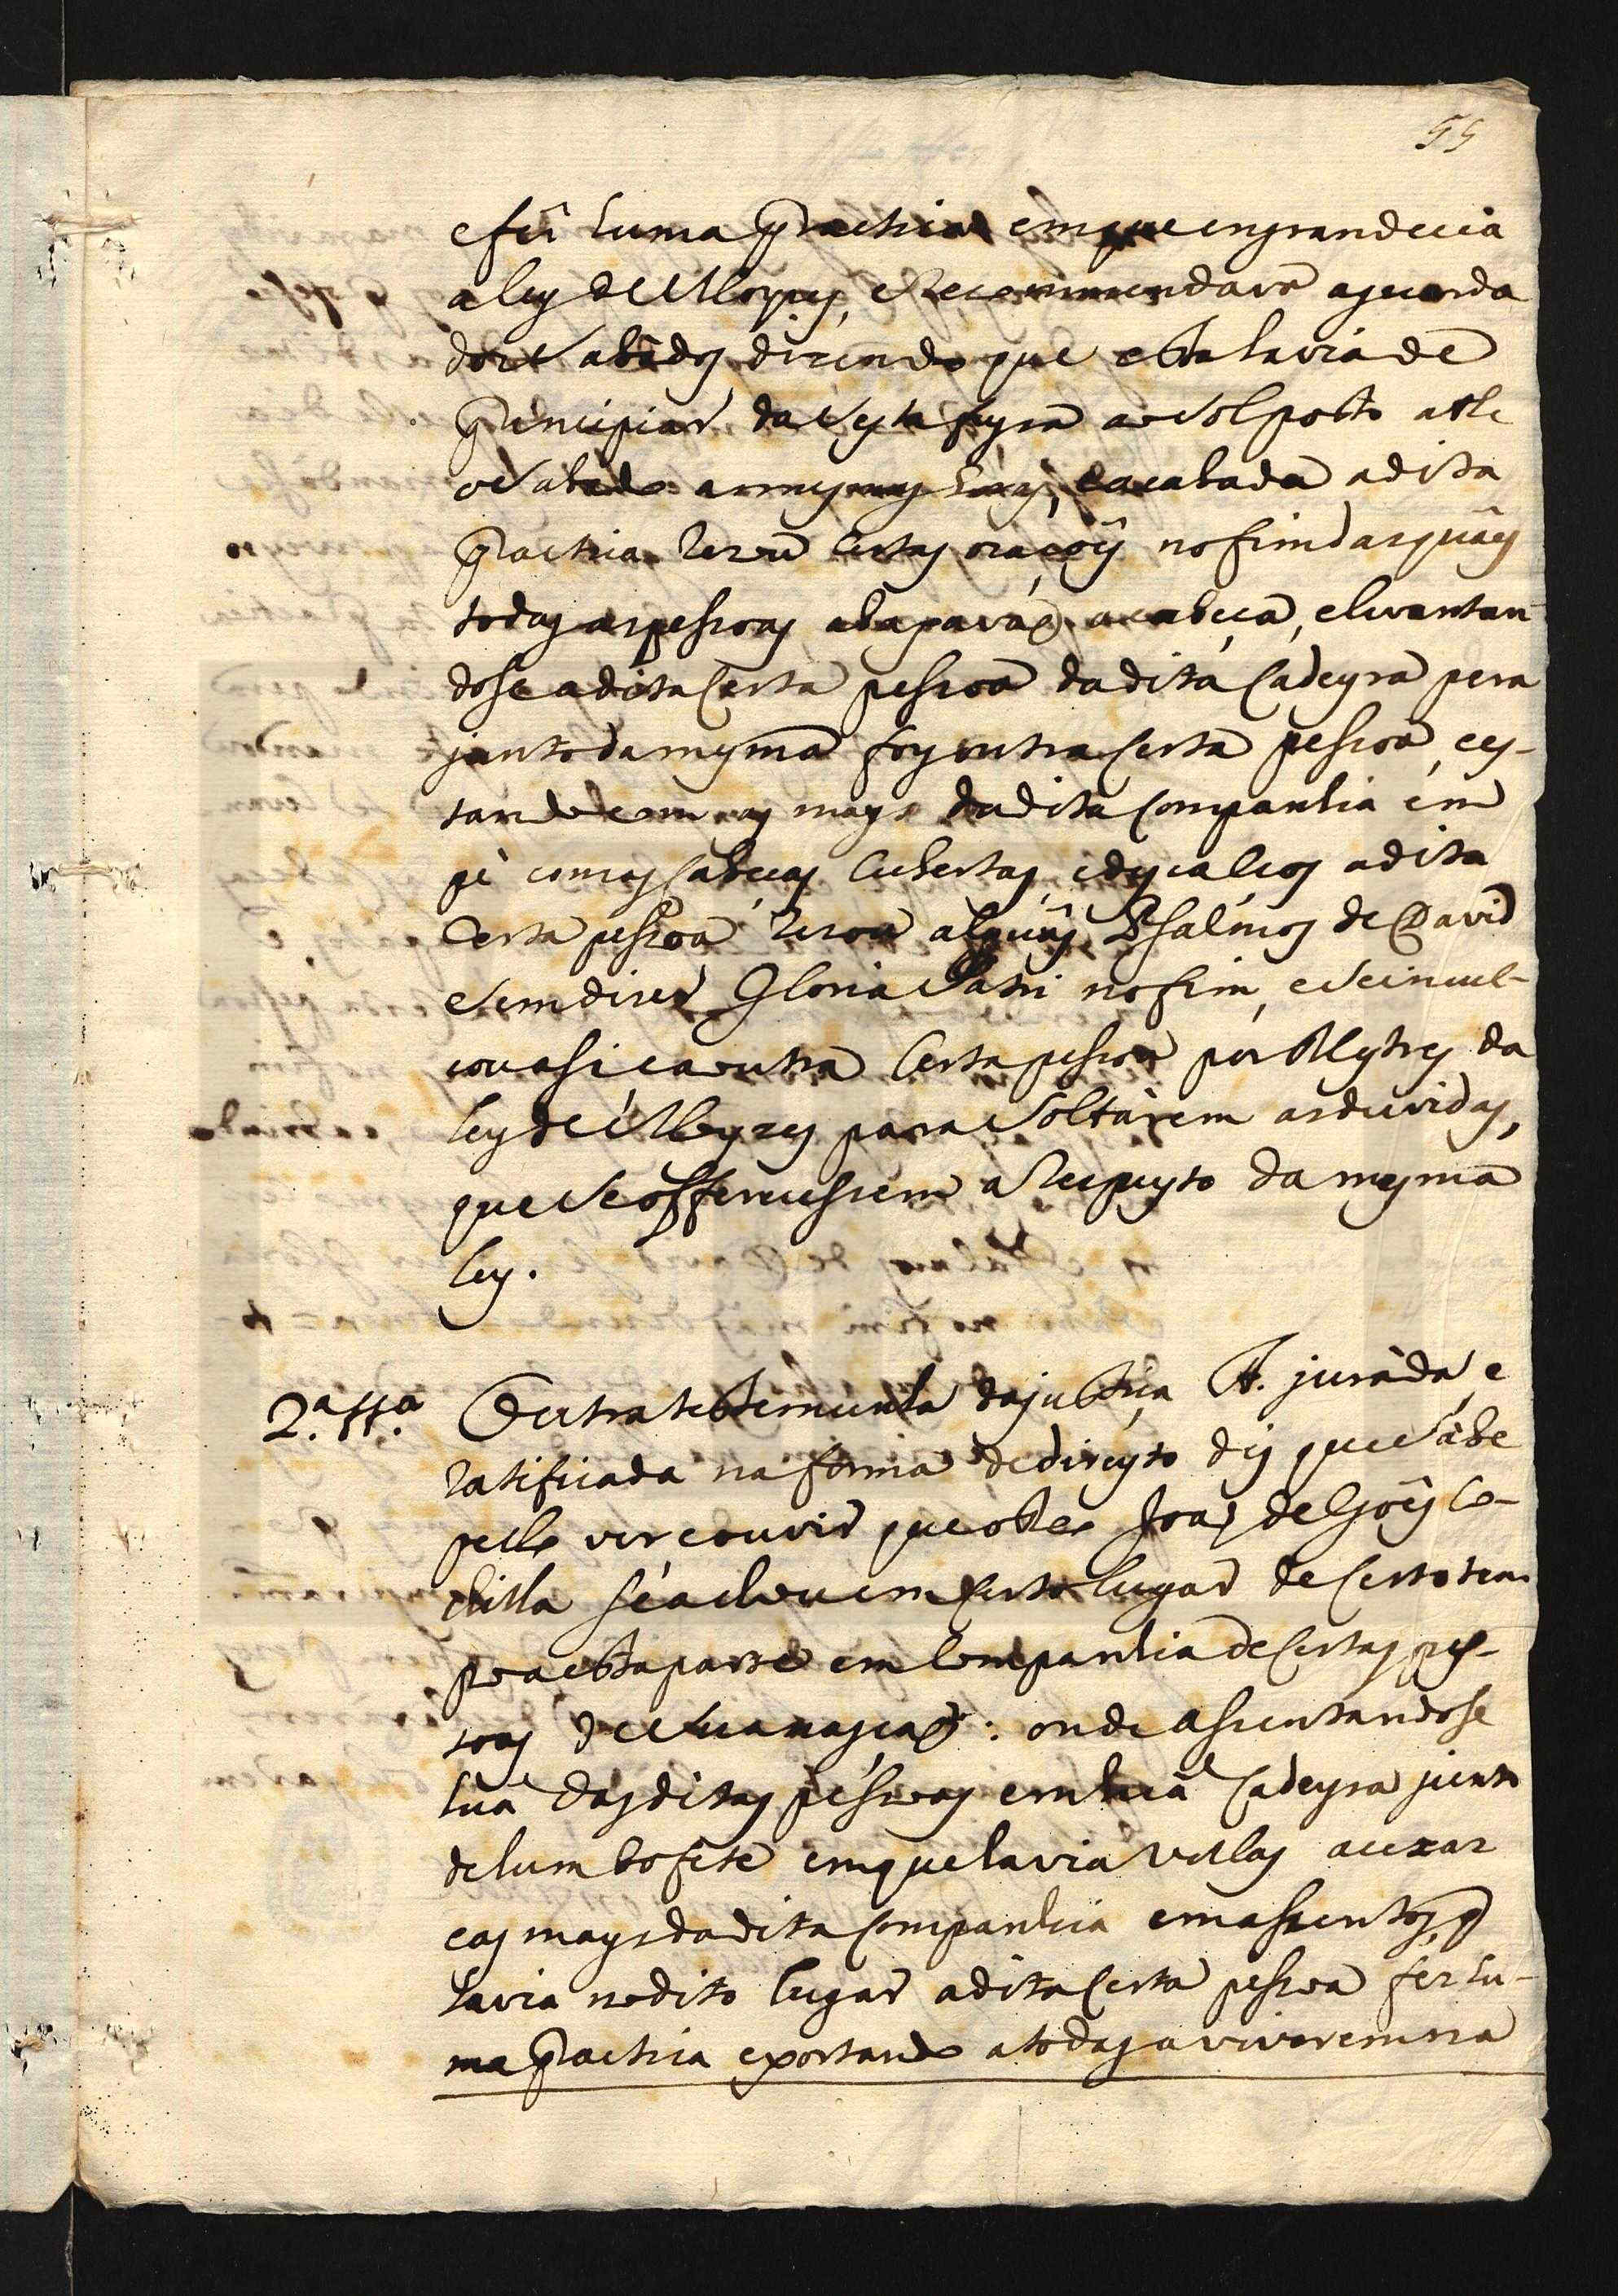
2.a tt.a
e fêz huma practica em que engrandecia
a ley de Moyzes, e Recommendava a guarda
dos sabádos dizendo que esta havia de
principiar da sesta feyra ao sol posto athe
o sabado as mesmas horas, e acabada a dita
practica Rezou certas oraçoês no fim das quâes
todas as pessoas abaxavão a cabeça, e levantan
dose a dita Certa pessoa da dita Cadeyra pera
junto da mesma foy outra Certa pessoa, e es
tando com as mays da dita Companhia em
pé com as Cabeças Cubertas, e descalços a dita
certa pessoa Rezou alguñs Psalmos de David
sem dizer Gloria Patri no fim, e se incul
cou asi, e a outra Certa pessoa por Mestres da
Ley de Moyzes para soltárem as duvidas,
que se offerecessem a Respeyto da mesma
ley.
Outra testemunha da justiça A. jurada, e
Ratificada na forma de direyto dis que sábe
pello ver, e ouvir que o Reo Joaõ de Goês co
chilha se achou em Certo lugar de Certo tem
po a esta parte em Companhia de Certas pes
soas de sua nasçaõ: onde assentandose
huã das ditas pessoas em huã Cadeyra junto
de hum bofete em que havia vellas acezas
e as mays da dita Companhia em assentos, q̄
havia no dito lugar a dita Certa pessoa fez hu
ma practica exortando a todas a viver em na
